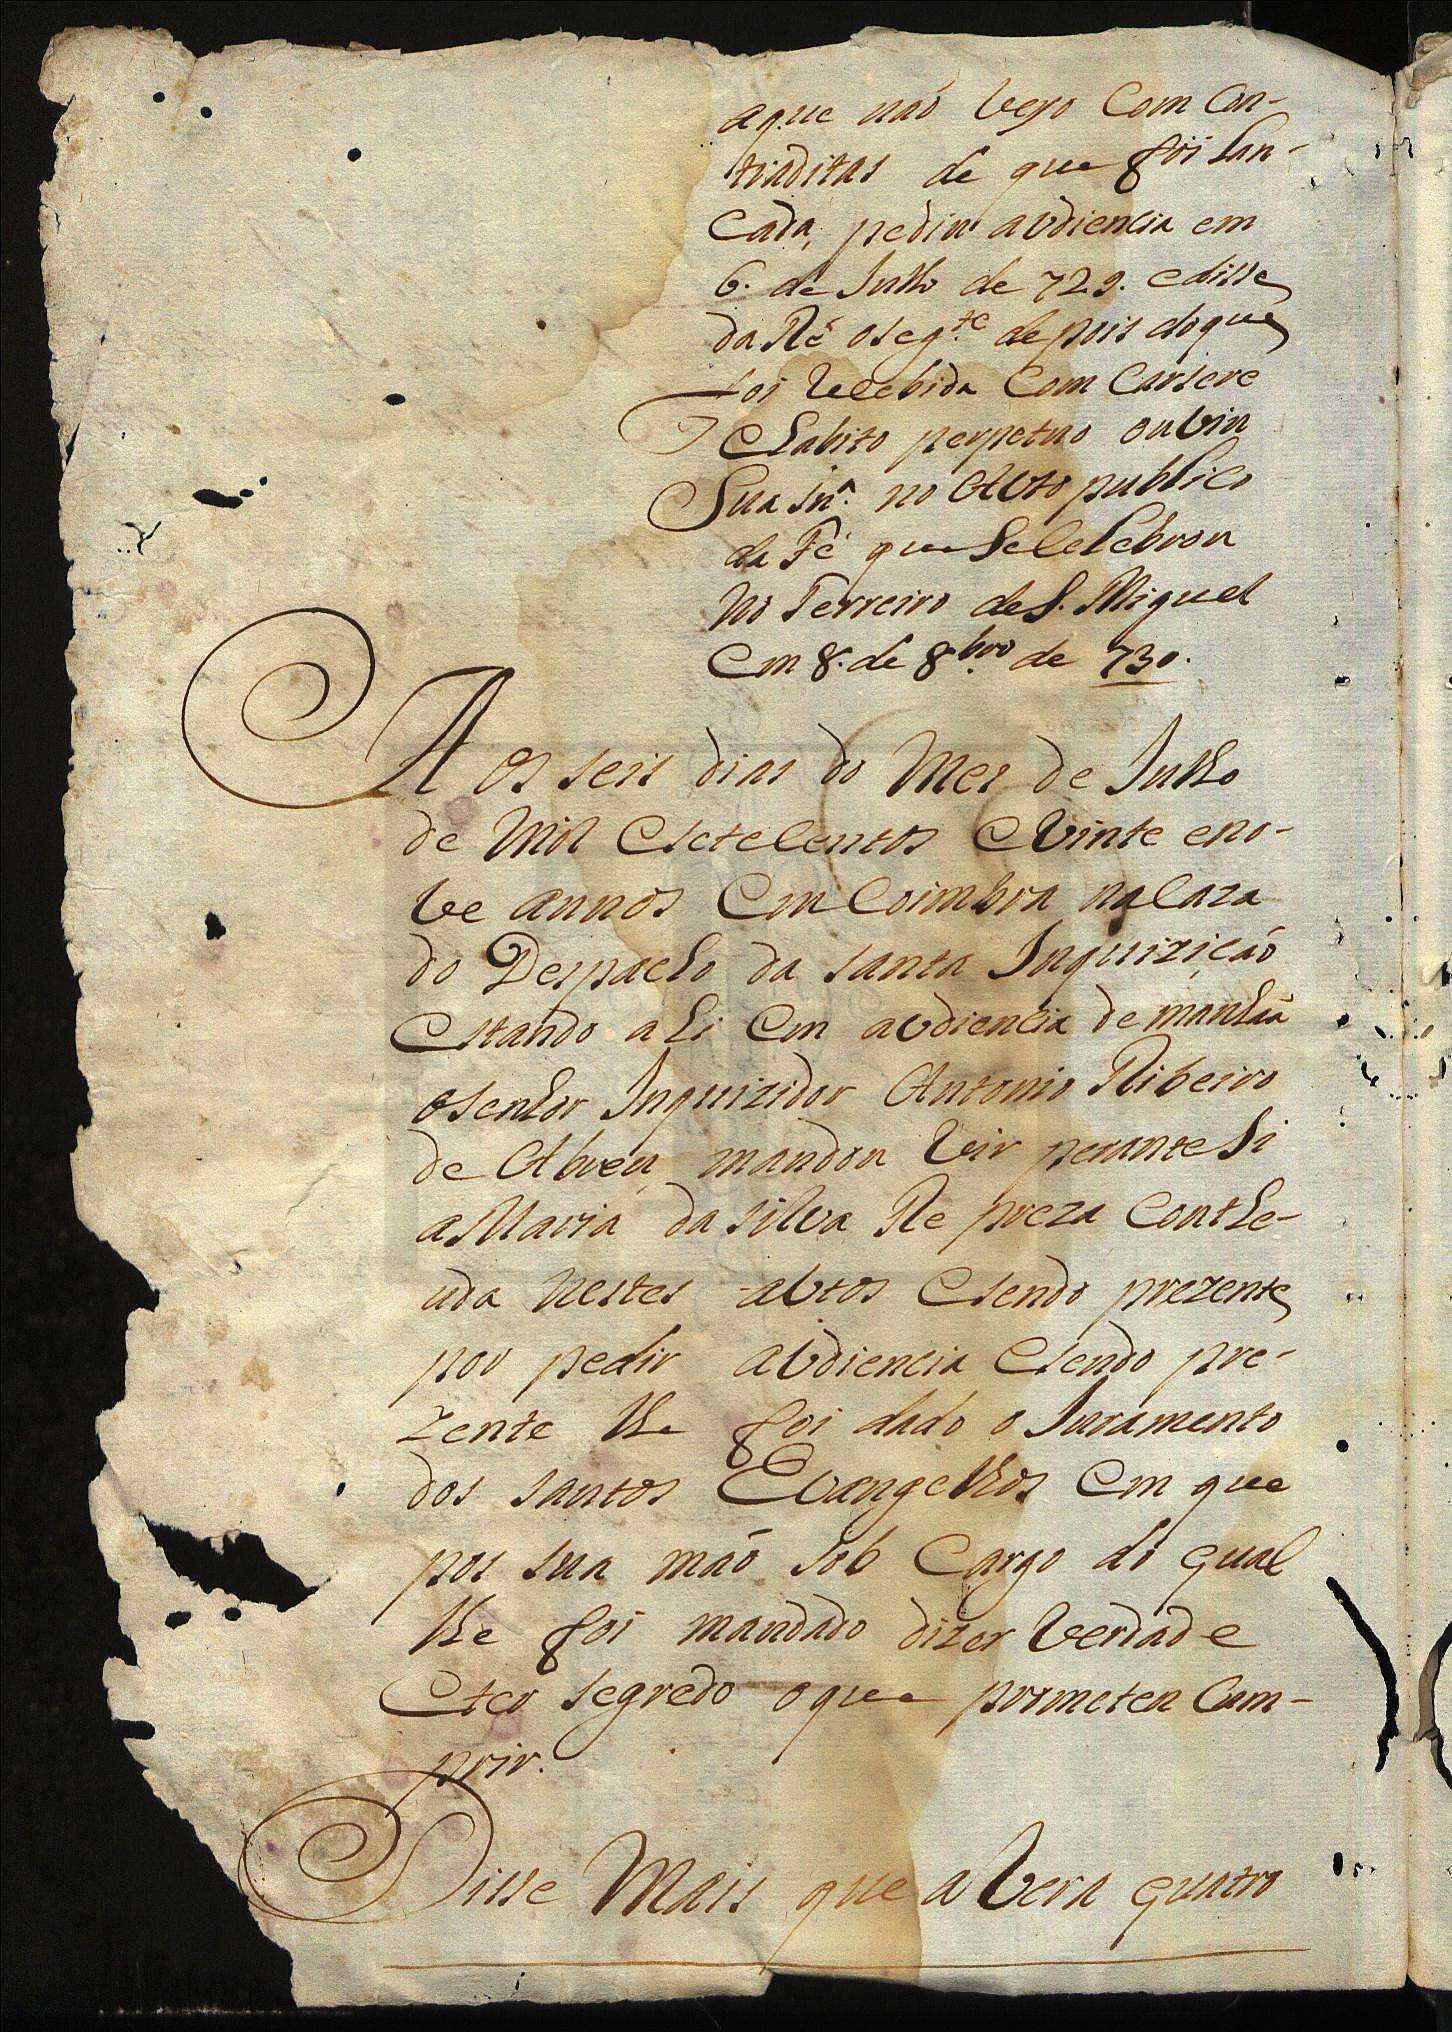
a que naõ veyo com con
traditas de que foi Lan
cada, pediu avdiencia em
6. de Iulho de 729. e disse
da Ré o seg.te depois do que
foi Recebida com carsere
e habito perpetuo ouviu
Sua sn.a no Avto publico
da Fé que se Celebrou
no Terreiro de S. Miguel
em 8. de 8.bro de 730.
Aos seis dias do Mes de Iulho
de Mil e setecentos e vinte e no
ve annos em coimbra na caza
do Despacho da santa Inquiziçaõ
estando ahi em avdiencia de manhaã
o senhor Inquizidor Antonio Ribeiro
de Abreu, mandou vir perante Si
a Maria da silva Re preza conthe
uda nestes avtos e sendo prezente
por pedir avdiencia e sendo pre
zente lhe foi dado o Iuramento
dos santos Evangelhos em que
pos sua maõ sob cargo do qual
lhe foi mandado dizer verdade
e ter segredo o que prometeu cum
prir.
Disse Mais que aVera quatro
